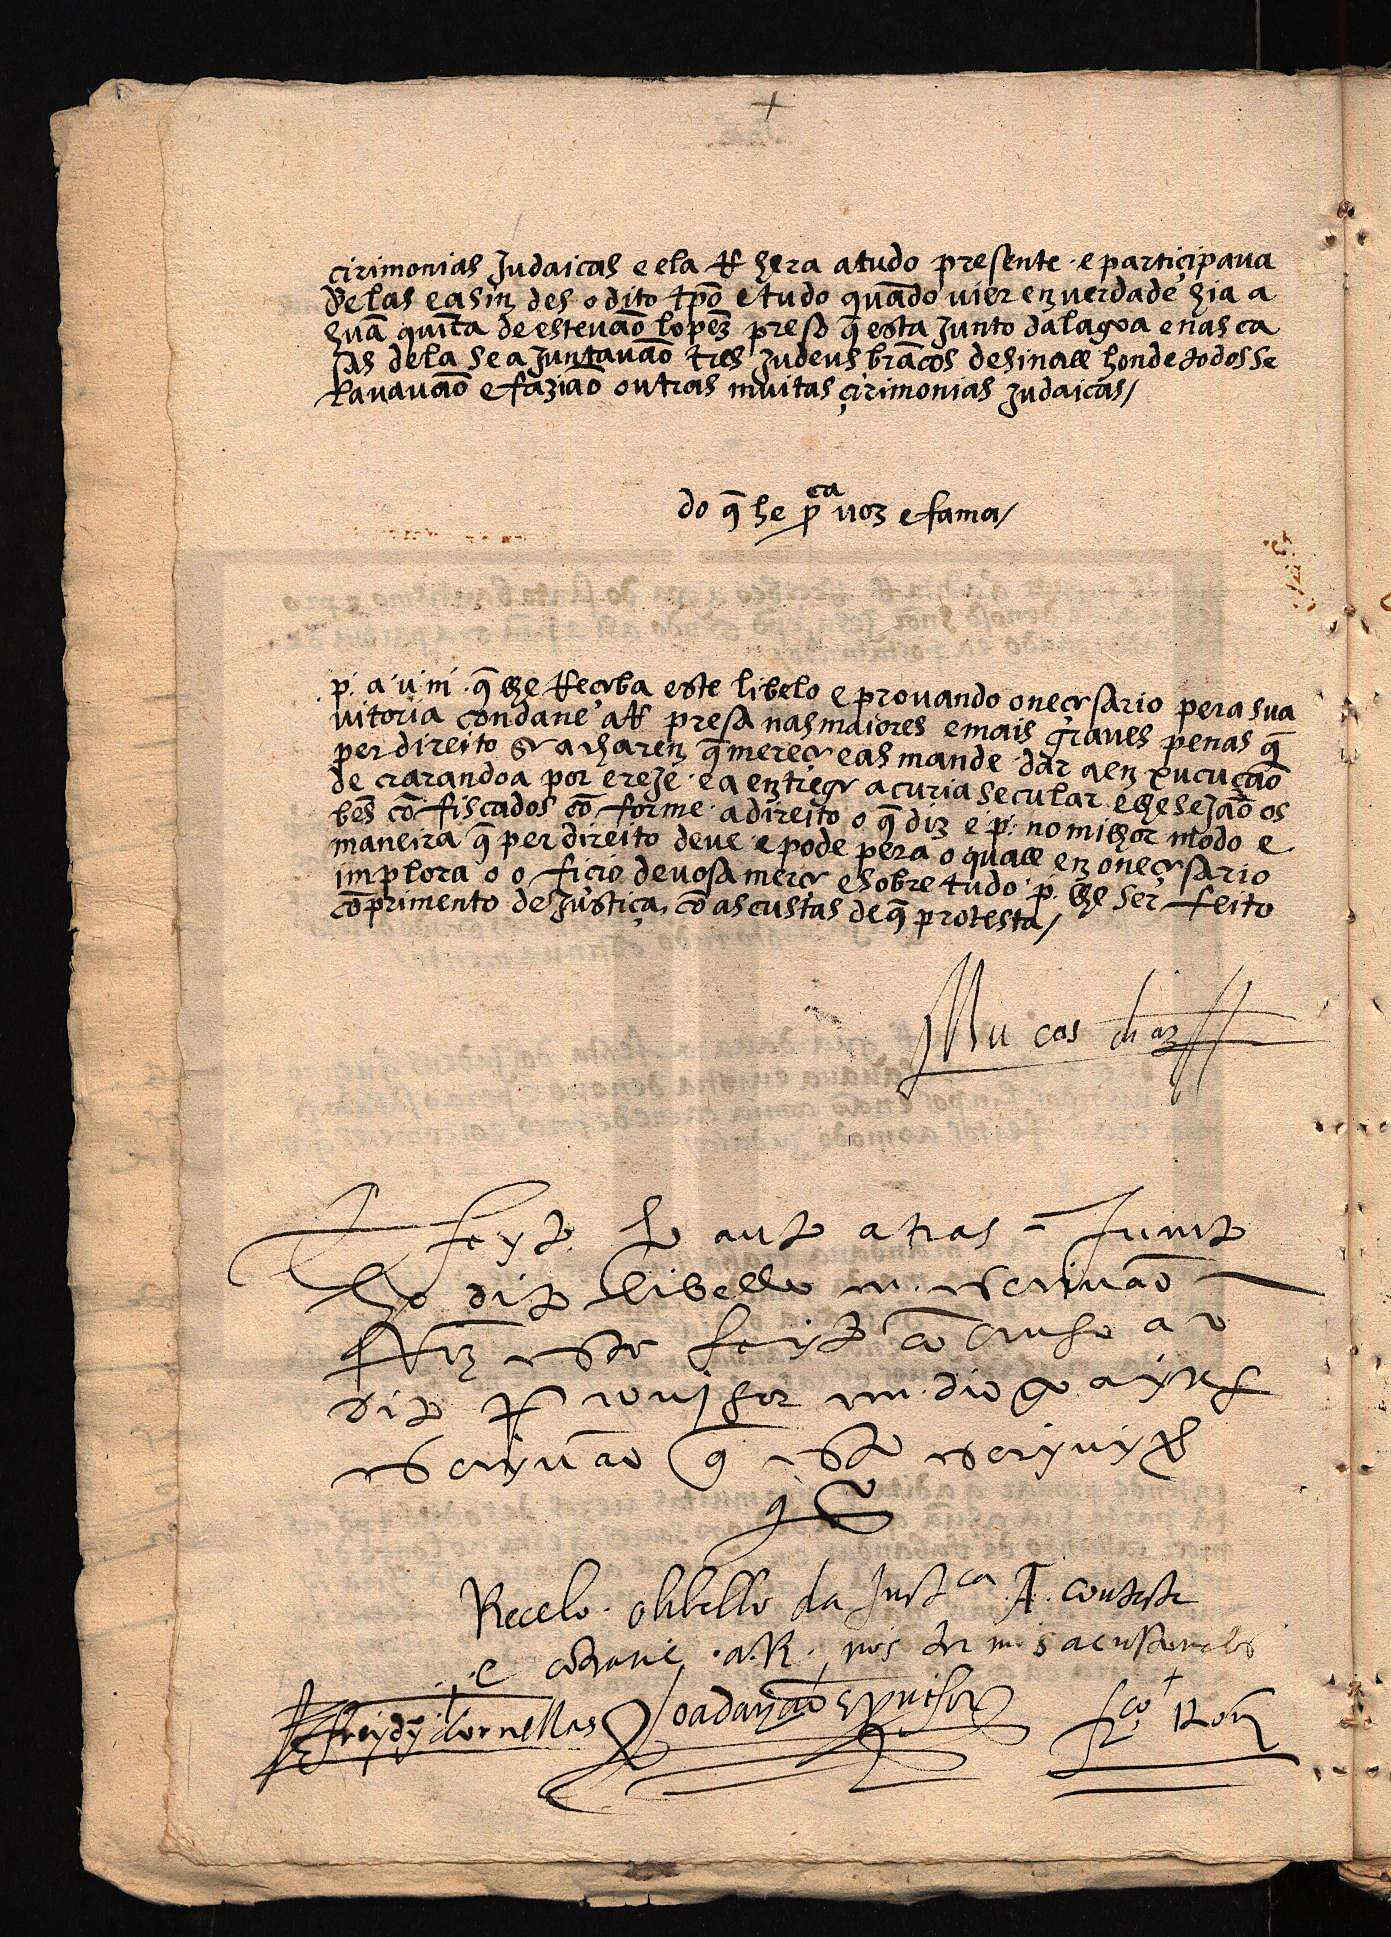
çirimonias Judaicas e ela R hera a tudo presente. e partiçipaua
delas e asim des o dito tp̄o e tudo quādo uier em uerdade hia a
huā quīta de esteuão lopez̄ preso q̄ esta Junto da lagoa e nas ca
sas dela se aJuntauão tres Judeus brācos de sinall honde todos se
lauauão e fazião outras muitas çirimonias Judaicas/
do q̄ he ꝓca uoz e fama/
p: a u m .q̄ lhe Reçeba este libelo e prouando o neçesario pera sua
uitoria condane a R presa nas maiores e mais graues penas q̄
per direito se acharem q̄ mereçe e as mande dar a emxucução
de crarandoa por ereJe. e a emtrege a curia secular e lhe seJão os
bēs cōfiscados cōforme . a direito o q̄ diz e p: no milhor modo e
maneira q̄ per direito deue e pode pera o quall em o neçesario
implora o ofiçio de uosa merçe e sobretudo p: lhe ser feito
cōprimento de Justiça cō as custas de q̄ protesta/
E feyto ho auto atras e Jumto
ho dito libello eu. escriuão
ffiz este feyto c̄ocruso ao
dito proujsor eeu. diogo ayres
escryuão q̄ esto escryuy
ꝯo
Recebo . o libello da Justca .A. conteste
e cōtrarie a .R. nos termos acustomados
